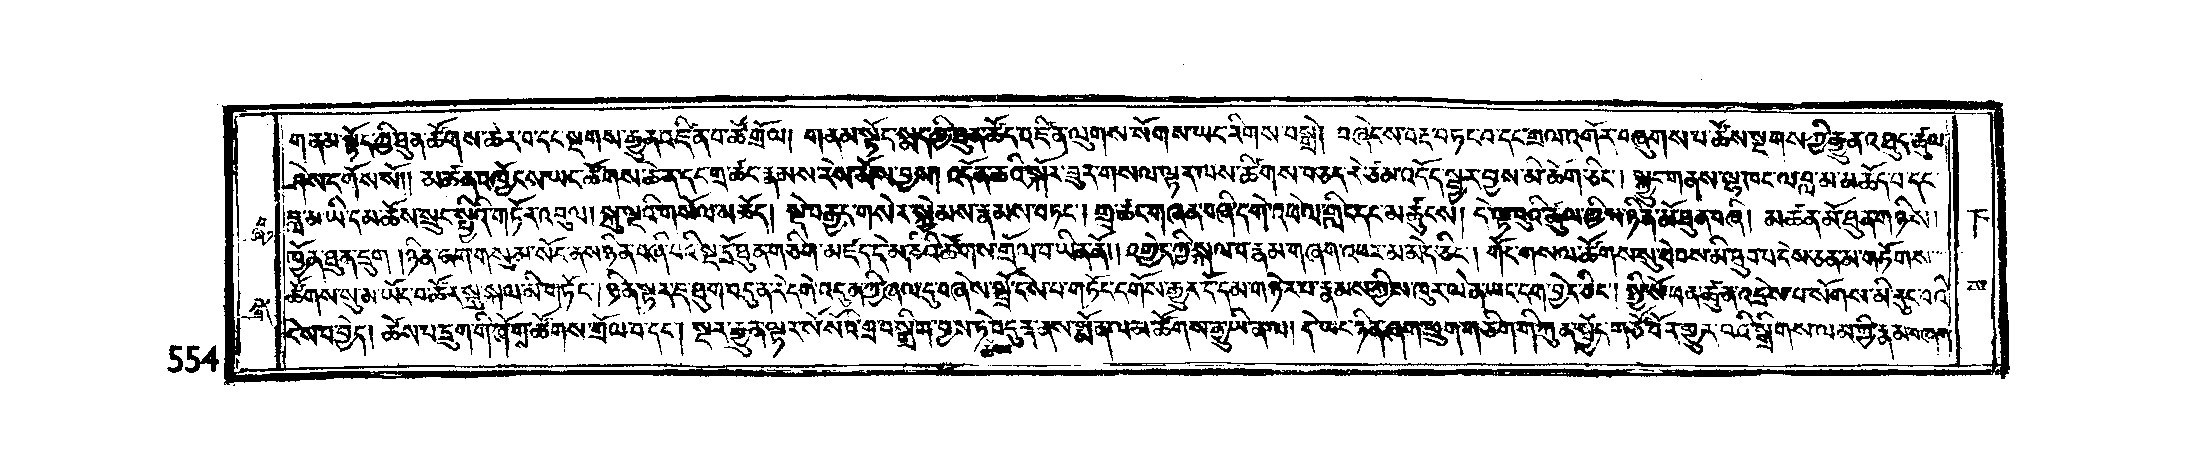གནམ་སྟོད་ཀྱི་ཐུན་ཚོགས་ཆེར་བ་དང་སྔགས་རྒྱུན་འཛིན་པ་ཚོ་གྲོལ། གནམ་སྟོད་སྨད་ཀྱི་ཐུན་ཚོད་འཛིན་ལུགས་སོགས་ཡང་རིགས་བསྒྲེ། བཞེངས་བརྡ་བཏང་བ་དང་གྲལ་འགོར་བཞུགས་པ་ཚོས་སྔགས་ཀྱི་རྒྱུན་འཐུད་ཚུལ་
ཤེས་དགོས་སོ།། མཚན་འཁྱོངས་ཡང་ཚོགས་ཆེན་དང་གྲ་ཚང་རྣམས་རེས་མོས་བྱས། འདོན་ཆའི་སྐོར་ཟུར་གསལ་ལྟར་ལས་ཚིགས་བཅད་རེ་ཙམ་འདོད་སྦྱར་བྱས་མི་ཆོག་ཅིང་། སྐྱུང་གནས་ལྷ་ཁང་ལ་བླ་མ་མཆོད་པ་དང་
བླ་མ་ཡི་དམ་ཆོས་སྲུང་སྤྱིའི་གཏོར་འབུལ། སྐུ་ལྔའི་གསོལ་མཆོད། སྡེ་བརྒྱད་གསེར་སྐྱེམས་རྣམས་བཏང་། གྲྭ་ཚང་གཞན་བཞི་དགེ་འཕེལ་གླིང་དང་མཚུངས། དེ་ལྟ་བུའི་ཚུལ་གྱིས་ཉིན་མོ་ཐུན་བཞི། མཚན་མོ་ཐུན་གཉིས།
ཁྱོན་ཐུན་དྲུག །ཉིན་ཞག་གསུམ་སོང་ནས་ཉིན་བཞི་པའི་སྔ་དྲོ་ཐུན་གཅིག་མཛད་དེ་མ་ཎིའི་ཚོགས་གྲོལ་བ་ཡིན་ནོ། །འགྱེད་ཀྱི་སྐལ་བ་རྣམ་གཞག་འཕར་མ་མེད་ཅིང་། གོང་གསལ་ཚོགས་སུ་ཕེབས་མི་ཐུབ་པ་ངེས་ཅན་མ་གཏོགས་
ཚོགས་སུ་མ་ཡོང་བ་ཚོར་སྐུ་སྐལ་མི་གཏོང་། ཉིན་སྟར་ཇ་ཐུག་བདུན་རེ་དགེ་འདུན་ཀྱི་ཞལ་དུ་བཞེས་སྤྲོ་ངེས་པ་གཏོང་དགོས་རྒྱུར་དོ་དམ་གཉེར་པ་རྣམས་ཀྱིས་ཁུར་ལེན་ཡང་དག་བྱེད་ཅིང་། སྤྱི་སོ་ཕན་ཚུན་འདྲེས་པ་སོགས་མི་རུང་བའི་
ངེས་པ་བྱེད། ཚེས་པ་དྲུག་གི་ཞོགས་ཚོགས་གྲོལ་བ་དང་། སྔར་རྒྱུན་ལྟར་སོ་སོའི་གྲ་བསྒྲིག་བྱས་ཏེ་ཚེས་བདུན་ནས་སྨོན་ལམ་ཚོགས་རྒྱུ་ཡིན་ལ། དེ་ཡང་ཉིན་ཞག་ཕྲུག་གཅིག་གི་ཀུན་སྤྱོད་གཙོ་བོར་གྱུར་བའི་སྒྲིགས་ལམ་གྱི་རྣམ་བཞག་